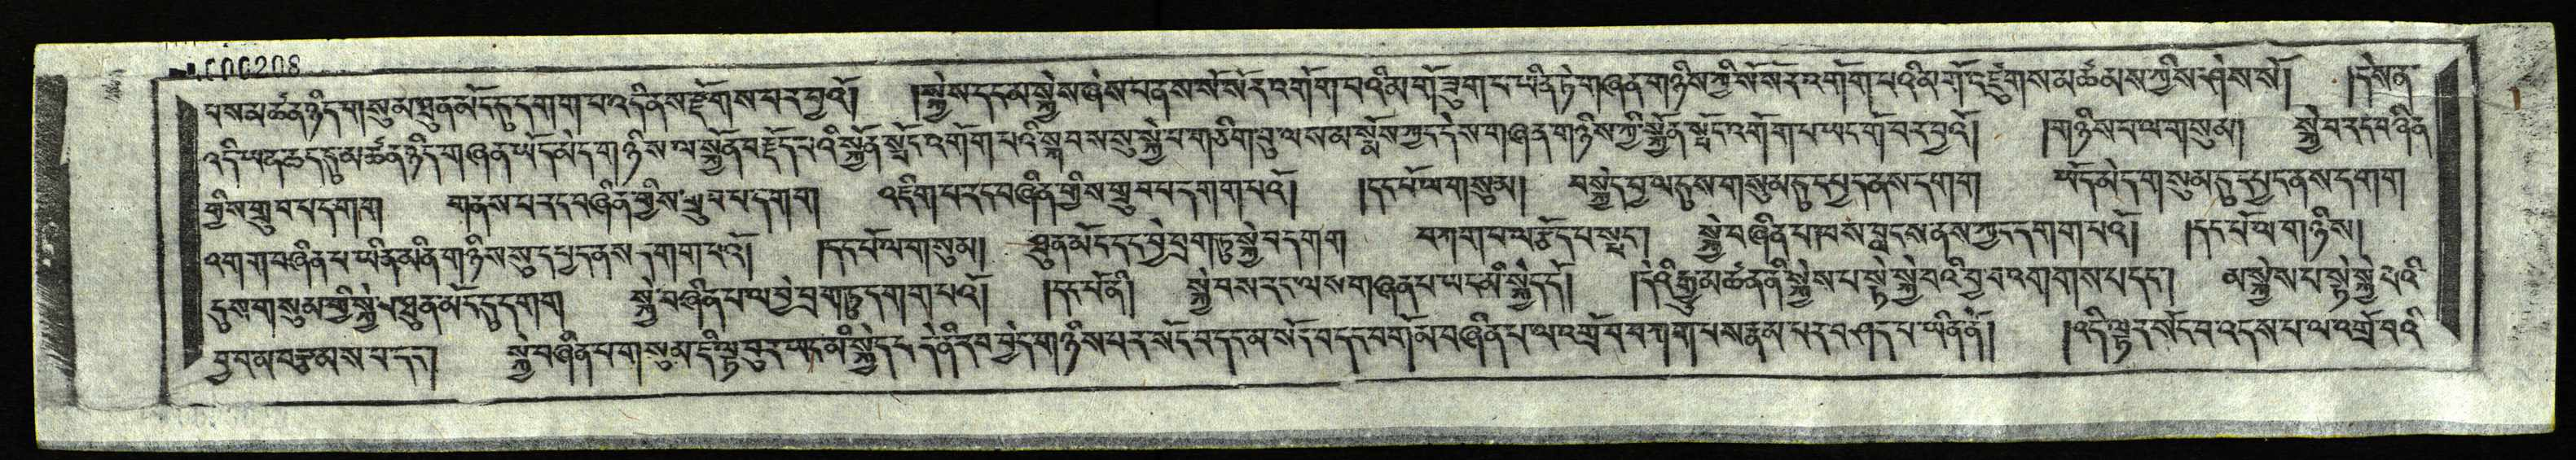བས་མཚན་ཉིད་གསུམ་ཐུན་མོང་དུ་དགག་པ་འདི་ནས་རྫོགས་པར་བྱའོ། །སྐྱེས་དང་མ་སྐྱེས་ཞེས་པ་ནས་སོ་སོར་འགོག་པའི་མགོ་ཟུག་པ་ཡིན་ཏེ་གཞན་གཉིས་ཀྱི་སོ་སོར་འགོག་པའི་མགོ་འཛུགས་མཚམས་ཀྱིས་ཤེས་སོ། །དེས་ན་
འདི་ཡན་ཆད་དུ་མཚན་ཉིད་གཞན་ཡོད་མེད་གཉིས་ལ་སྐྱོན་བརྗོད་པའི་སྐྱོན་སྤོང་འགོག་པའི་སྐབས་སུ་སྐྱེ་བ་གཅིག་བུ་ལས་མ་སྨོས་ཀྱང་དེས་གཞན་གཉིས་ཀྱི་སྐྱོན་སྤོང་འགོག་པ་ཡང་གོ་བར་བྱའོ། །གཉིས་པ་ལ་གསུམ། སྐྱེ་བ་རང་བཞིན་
གྱིས་གྲུབ་པ་དགག་གནས་པ་རང་བཞིན་གྱིས་གྲུབ་པ་དགག་འཇིག་པ་རང་བཞིན་གྱིས་གྲུབ་པ་དགག་པའོ། །དང་པོ་ལ་གསུམ། བསྐྱེད་བྱ་ལ་དུས་གསུམ་དུ་དཔྱད་ནས་དགག་ཡོད་མེད་གསུམ་དུ་དཔྱད་ནས་དགག་
འགག་བཞིན་པ་ཡིན་མིན་གཉིས་སུ་དཔྱད་ནས་དགག་པའོ། །དང་པོ་ལ་གསུམ། ཐུན་མོང་དང་བྱེ་བྲག་ཏུ་སྐྱེ་བ་དགག་བཀག་པ་ལ་རྩོད་པ་སྤང་། སྐྱེ་བཞིན་པ་ཁས་བླངས་ནས་ཀྱང་དགག་པའོ། །དང་པོ་ལ་གཉིས།
དུས་གསུམ་གྱི་སྐྱེ་བ་ཐུན་མོང་དུ་དགག་སྐྱེ་བཞིན་པ་ལ་བྱེ་བྲག་ཏུ་དགག་པའོ། །དང་པོ་ནི། སྐྱེ་བས་རང་ལས་གཞན་པ་ཡང་མི་སྐྱེད་དོ། །དེའི་རྒྱུ་མཚན་ནི་སྐྱེས་པ་སྟེ་སྐྱེ་བའི་བྱ་བ་འགགས་པ་དང་། མ་སྐྱེས་པ་སྟེ་སྐྱེ་བའི་
བྱ་བ་མ་བརྩམས་པ་དང་། སྐྱེ་བཞིན་པ་གསུམ་ཇི་ལྟ་བུར་ཡང་མི་སྐྱེད་པ་དེ་ནི་རབ་བྱེད་གཉིས་པར་སོང་བ་དང་མ་སོང་བ་དང་བགོམ་བཞིན་པ་ལ་འགྲོ་བ་བཀག་པས་རྣམ་པར་བཤད་པ་ཡིན་ནོ། །འདི་ལྟར་སོང་བ་འདས་པ་ལ་འགྲོ་བའི་